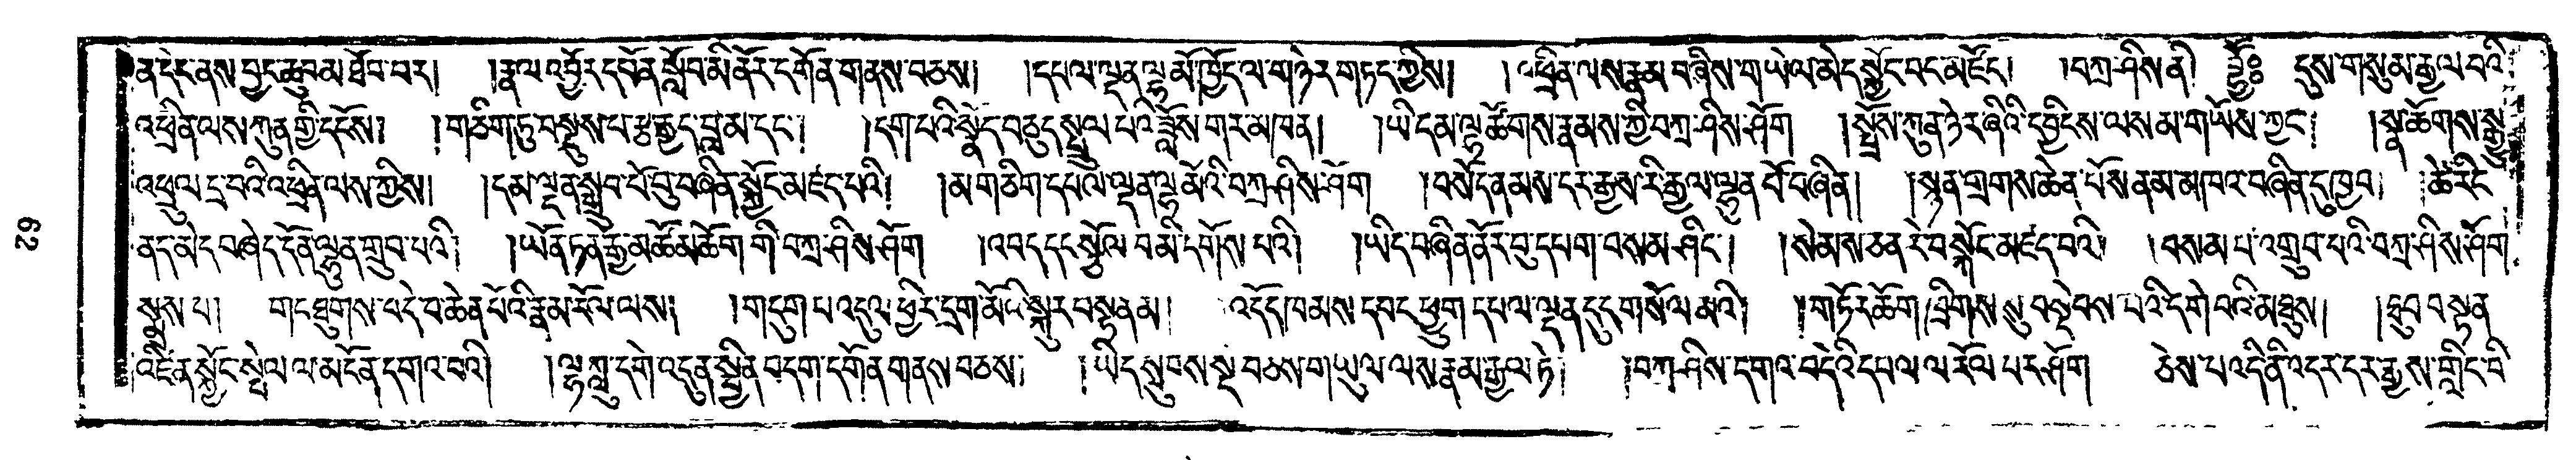ན་དེང་ནས་བྱང་ཆུབ་མ་ཐོབ་བར། །རྣལ་འབྱོར་དཔོན་སློབ་མི་ནོར་དགོན་གནས་བཅས། །དཔལ་ལྡན་ལྷ་མོ་ཁྱོད་ལ་གཉེར་གཏད་ཀྱིས། །འཕྲིན་ལས་རྣམ་བཞིས་གཡེལ་མེད་སྐྱོང་བང་མཛོད། །བཀྲ་ཤིས་ནི། བྷྱཽཿ དུས་གསུམ་རྒྱལ་བའི་
འཕྲིན་ལས་ཀུན་གྱི་དངོས། །གཅིག་ཏུ་བསྡུས་པ་རྩ་རྒྱད་བླ་མ་དང་། །དག་པའི་སྣོད་བཅུད་སྤྲུལ་པའི་ཟློས་གར་མཁན། །ཡི་དམ་ལྷ་ཚོགས་རྣམས་ཀྱི་བཀྲ་ཤིས་ཤོག །སྤྲོས་ཀུན་ཉེར་ཞིའི་དབྱིངས་ལས་མ་གཡོས་ཀྱང་། །སྣ་ཚོགས་སྒྱུ་
འཕྲུལ་དྲ་བའི་འཕྲིན་ལས་ཀྱིས། །དམ་ལྡན་སྒྲུབ་པོ་བུ་བཞིན་སྐྱོང་མཛད་པའི། །མ་གཅིག་དཔལ་ལྡན་ལྷ་མོའི་བཀྲ་ཤིས་ཤོག །བསོད་ནམས་དར་རྒྱས་རི་རྒྱལ་ལྷུན་པོ་བཞིན། །སྙན་གྲགས་ཆེན་པོས་ནམ་མཁའ་བཞིན་དུ་ཁྱབ། །ཚེ་རིང་
ནད་མེད་བཞེད་དོན་ལྷུན་གྲུབ་པའི། །ཡོན་ཏན་རྒྱ་མཚོ་མཆོག་གི་བཀྲ་ཤིས་ཤོག །འབད་དང་སྩོལ་བ་མི་དགོས་པའི། །ཡིད་བཞིན་ནོར་བུ་དཔག་བསམ་ཤིང་། །སེམས་ཅན་རེ་བསྐོང་མཛད་བའི། །བསམ་པ་འགྲུབ་པའི་བཀྲ་ཤིས་ཤོག་
སྨྲས་པ། གང་ཐུགས་བདེ་བ་ཆེན་པོའི་རྣམ་རོལ་ལས། །གདུག་པ་འདུལ་ཕྱིར་དྲག་མོའི་སྐུར་བསྟན་མ། །འདོད་ཁམས་དབང་ཕྱུག་དཔལ་ལྡན་དུང་གསོལ་མའི། །གཏོར་ཆོག་ཁྲིགས་སུ་བསྡེབས་བའི་དགེ་བའི་མཐུས། །ཐུབ་བསྟན་
འཛིན་སྐྱོང་སྤེལ་ལ་མངོན་དགའ་བའི། །ལྷ་ཀླུ་དགེ་འདུན་སྦྱིན་བདག་དགོན་གནས་བཅས། །ཡིད་སྲུབས་སྡེ་བཅས་གཡུལ་ལས་རྣམ་རྒྱལ་ཏེ། །བཀྲ་ཤིས་དགའ་བདེའི་དཔལ་ལ་རོལ་པར་ཤོག །ཅེས་པ་འདི་ནི་འདར་དར་རྒྱས་གླིང་བི་